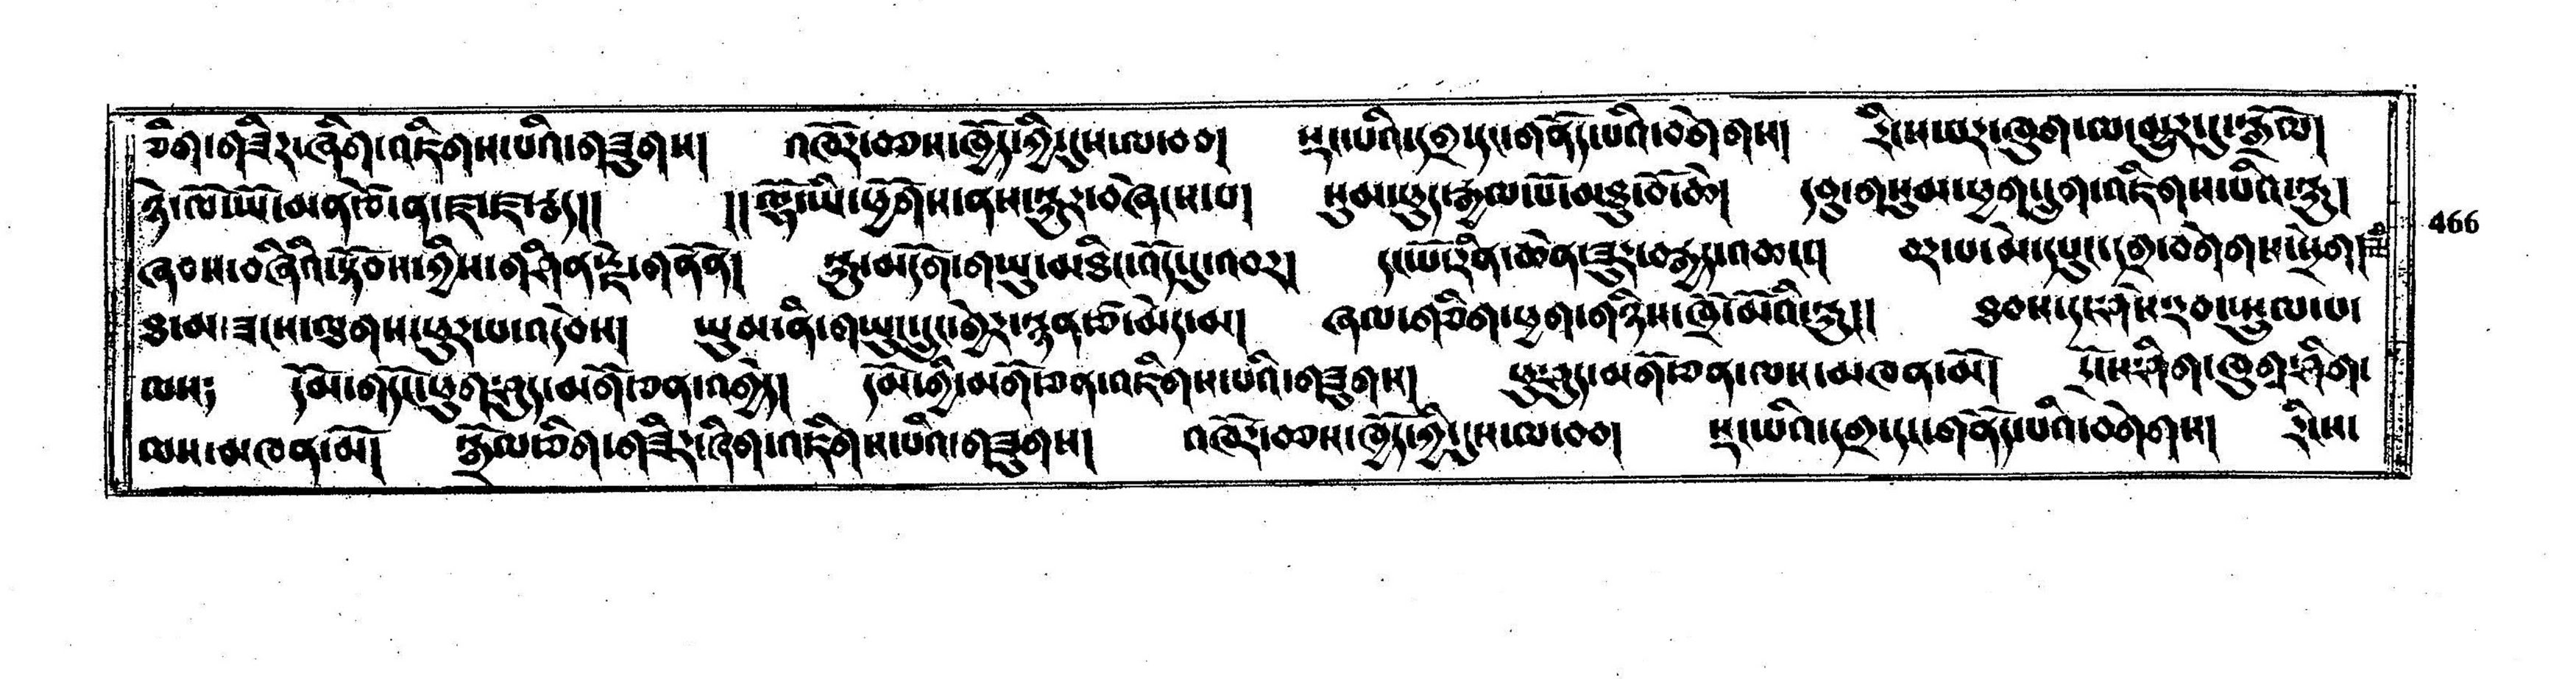ཅིག་གཟིར་ཞིག་འཇིགས་པའི་གཟུགས། འཁོར་བཅས་ཁྱོད་ཀྱི་དུས་ལ་བབ། སྡང་པའི་དགྲ་དང་གནོད་པའི་བགེགས། རིངས་པར་ཁུག་ལ་མྱུར་དུ་སྒྲོལ། 
ཉེ་ལོ་ཡོ་མན་ཙེ་ན་ཛ་ཛ་རྦད།། །།ལྷོ་ཡི་ཕྱོགས་ནས་སྐུར་བཞེངས་པ།། སུམ་ཕུད་རྒྱལ་པོ་མཐུ་བོ་ཆེ། དབུ་གསུམ་ཕྱག་དྲུག་འཇིགས་པའི་སྐུ། 
ཞབས་བཞིའི་སྟོབས་ཀྱིས་གཤིན་རྗེ་གནོན། སྐུ་མདོག་གཡུ་མཐིང་འོད་དུ་འབར། དང་པོ་རིན་ཆེན་ཟུར་བརྒྱད་འཆང་། བར་པ་མེ་{480}དཔུང་དགྲ་བགེགས་སྲེག ࿖
ཐ་མ་ཟངས་ལྕགས་ཕུར་པ་འདེབས། ཡུམ་ནི་གཡུང་དྲུང་སྙན་ཙ་མེད་མ། ཞལ་གཅིག་ཕྱག་གཉིས་ཁྲོ་མོའི་སྐུ། ཐབས་དང་ཤེས་རབ་སྤྲུལ་པ
ལས། དོམ་གདོང་ཕུག་ཤུད་མགོ་ཅན་འགྱེད། དོམ་གྱི་མགོ་ཅན་འཇིགས་པའི་གཟུགས། ཕུ་ཤུད་མགོ་ཅན་ལས་མཁན་མོ། དྲོངས་ཤིག་ཁུག་ཤིག
ལས་མཁན་མོ། སྒྲོལ་ཅིག་གཟིར་ཞིག་འཇིགས་པའི་གཟུགས། ྲཁོར་བཅས་ཁྱོད་ཀྱི་དུས་ལ་བབ། སྡང་བའི་དགྲ་དང་གནོད་པའི་བགེགས། རིངས་